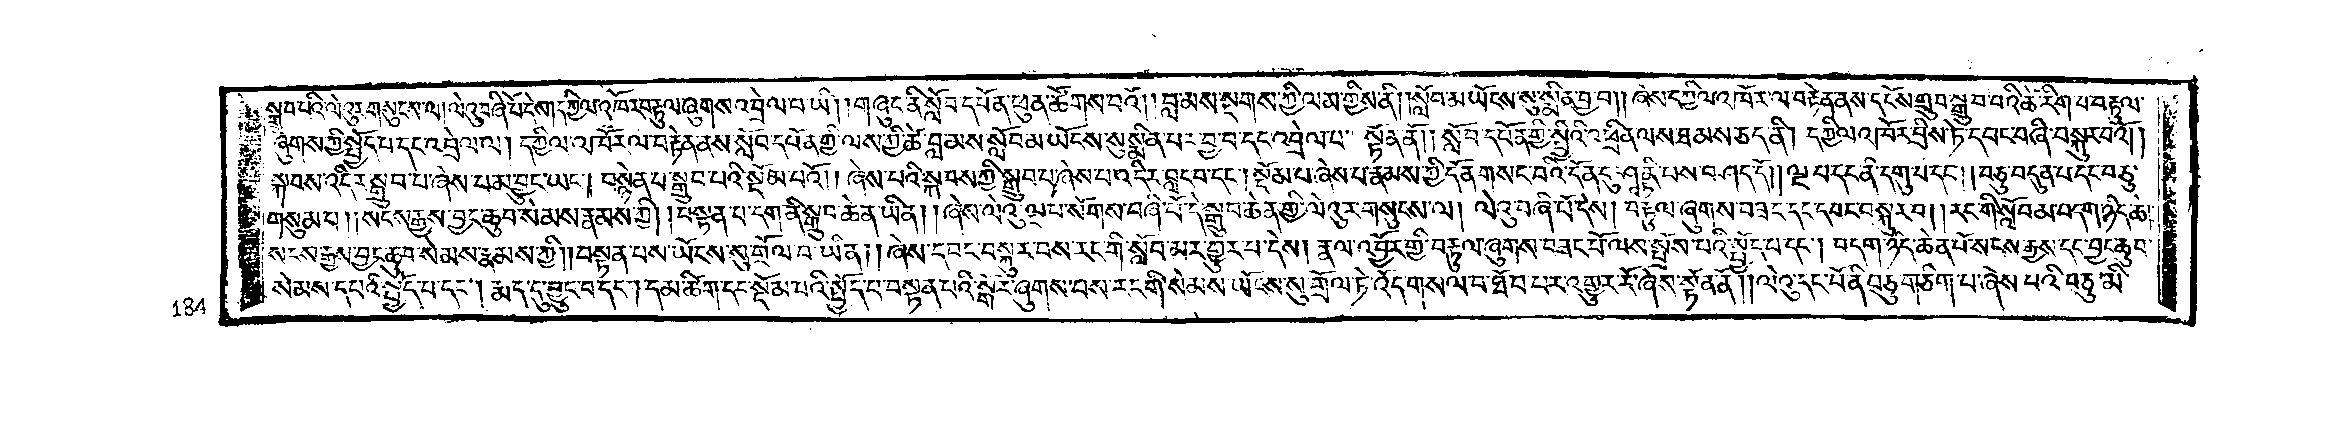སྒྲུབ་པའི་ལེའུར་གསུངས་ལ། ལེའུ་བཞི་པོ་དེས། དཀྱིལ་འཁོར་བརྟུལ་ཞུགས་འབྲེལ་བ་ཡི། །གཞུང་ནི་སློབ་དཔོན་ཕུན་ཚོགས་པའོ། །བླ་མས་སྔགས་ཀྱི་ལམ་གྱིས་ནི། །སློབ་མ་ཡོངས་སུ་སྨིན་བྱ་བ། །ཞེས་དཀྱིལ་འཁོར་ལ་བརྟེན་ནས་དངོས་གྲུབ་སྒྲུབ་པའི་ཚེ་རིག་པ་བརྟུལ་
ཞུགས་ཀྱི་སྤྱོད་པ་དང་འབྲེལ་ལ། དཀྱིལ་འཁོར་ལ་བརྟེན་ནས་སློབ་དཔོན་གྱི་ལས་ཀྱི་ཚེ་བླ་མས་སློབ་མ་ཡོངས་སུ་སྨིན་པར་བྱ་བ་དང་འབྲེལ་པ་སྟོན་ནོ། །སློབ་དཔོན་གྱི་སྤྱིའི་འཕྲིན་ལས་ཐམས་ཅད་ནི། དཀྱིལ་འཁོར་བྲིས་ཏེ་དབང་བཞི་བསྐུར་བའོ། །
སྐབས་འདིར་སྒྲུབ་པ་ཞེས་པ་མ་བྱུང་ཡང་། བསྙེན་པ་སྒྲུབ་པའི་སྡོམ་པའོ། །ཞེས་པའི་སྐབས་ཀྱི་སྒྲུབ་པ་ཞེས་པ་འདིར་བླང་བ་དང་། སྡོམ་པ་ཞེས་པ་རྣམས་ཀྱི་དོན་གསང་བའི་དོན་དུ་ཤཱནྟི་པས་བཤད་དོ། །ལྔ་པ་དང་ནི་དགུ་པ་དང་། །བཅུ་བདུན་པ་དང་བཅུ་
གསུམ་པ། །སངས་རྒྱས་བྱང་ཆུབ་སེམས་རྣམས་ཀྱི། །བསྟན་པ་དག་ནི་སྒྲུབ་ཆེན་ཡིན། །ཞེས་ལེའུ་ལྔ་པ་སོགས་བཞི་པོ་དེ་སྒྲུབ་ཆེན་གྱི་ལེའུར་གསུངས་ལ། ལེའུ་བཞི་པོ་དེས། བརྟུལ་ཞུགས་བཟང་དང་དབང་བསྐུར་བ། །རང་གི་སློབ་མ་བདག་ཉིད་ཆེ། །
སངས་རྒྱས་བྱང་ཆུབ་སེམས་རྣམས་ཀྱི། །བསྟན་པས་ཡོངས་སུ་གྲོལ་བ་ཡིན། །ཞེས་དབང་བསྐུར་བས་རང་གི་སློབ་མར་གྱུར་པ་དེས། རྣལ་འབྱོར་གྱི་བརྟུལ་ཞུགས་བཟང་པོ་ལས་སྤྲོས་པའི་སྤྱོད་པ་དང་། བདག་ཉིད་ཆེན་པོ་སངས་རྒྱས་དང་བྱང་ཆུབ་
སེམས་དཔའི་སྤྱོད་པ་དང་། རྨད་དུ་བྱུང་བ་དང་། དམ་ཚིག་དང་སྡོམ་པའི་སྤྱོད་པ་བསྟན་པའི་སྒོར་ཞུགས་པས་རང་གི་སེམས་ཡོངས་སུ་གྲོལ་ཏེ་འོད་གསལ་བ་ཐོབ་པར་འགྱུར་རོ་ཞེས་སྟོན་ནོ། །ལེའུ་དང་པོ་ནི་བཅུ་གཅིག་པ་ཞེས་པའི་བཅུ་མི་